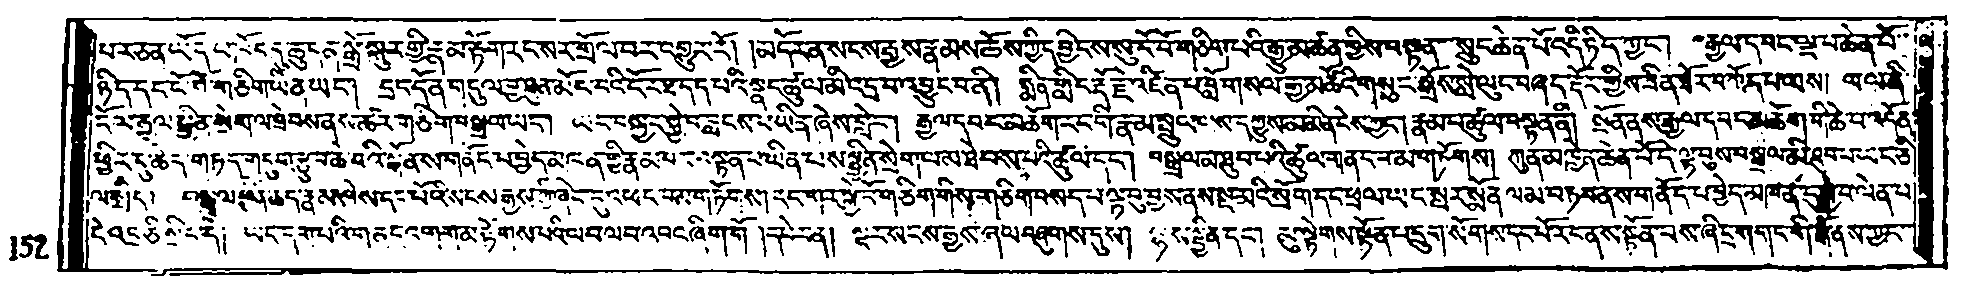པར་ཅན་ཡོད་པ་ཁོང་དུ་ཆུད་ན་སྒྲོ་སྐུར་གྱི་རྣམ་རྟོག་རང་སར་གྲོལ་བར་འགྱུར་རོ། །མདོར་ན་སངས་རྒྱས་རྣམས་ཆོས་ཀྱི་དབྱིངས་སུ་ངོ་བོ་གཅིག་པའི་རྒྱུ་མཚན་གྱིས་བསྟན་སྲུང་ཆེན་པོ་འདི་ཉིད་ཀྱང་། ༧རྒྱལ་དབང་ལྔ་པ་ཆེན་པོ་
ཉིད་དང་ངོ་བོ་གཅིག་ཡིན་ཡང་། དྲང་དོན་གདུལ་བྱ་ཐུན་མོང་བའི་ངོར་ཐ་དད་པའི་སྣང་ཚུལ་མི་འདྲ་བ་འབྱུང་བ་ནི། སྨིན་གླིང་རྡོ་རྗེ་འཛིན་པ་བློ་གསལ་རྒྱ་མཚོའི་གསུང་སྒྲོས་སླེ་ལུང་བཞད་རྡོར་གྱིས་ཟིན་ཐོར་བཀོད་པ་ལས། ལ་ལ་ནི་
དོལ་རྒྱལ་སྦྱིན་སྲེག་ལ་ཐེབས་ནས་ཚར་གཅིག་བསྒྲལ་ཡང་། ཡང་བསྐྱར་སྐྱེ་བ་བླངས་པ་ཡིན་ཞེས་གླེང་། རྒྱལ་དབང་མཆོག་རང་གི་རྣམ་སྤྲུལ་ལས་དཀྱུས་མ་མིན་ངེས་ཀྱང་། རྣམ་པ་ཚུལ་བསྟན་ནི། སྔོན་ནས་རྒྱལ་དབང་མཆོག་གི་ཆེ་བ་འདོན་
ཕྱིར་དུ་ཆེད་གཏད་གདུག་རྩུབ་ཆེ་བའི་སྒོ་ནས་གནོད་པ་བྱེད་མཁན་གྱི་རྣམ་པར་བསྟན་པ་ཡིན་པས་སྦྱིན་སྲེག་ལ་མ་ཐེབས་པའི་ཚུལ་དང་། བསྒྲལ་མ་ཐུབ་པའི་ཚུལ་གནང་བ་མ་གཏོགས། ཀུན་མཁྱེན་ཆེན་པོ་དེ་ལྟ་བུས་བསྒྲལ་མི་ཐུབ་པ་ཡང་ཅི་
ལ་སྲིད། བསྒྲལ་ཕྱིན་ཆད་རྣམ་ཤེས་དང་པོའི་སངས་རྒྱས་ཀྱི་ཞིང་དུ་འཕང་པ་མ་གཏོགས། རང་གར་སྐྱེ་བོ་གཅིག་གིས་གཅིག་བསད་པ་ལྟ་བུ་བྱས་ནས་སྔ་མའི་སྲོག་དང་ཕྲལ་ཡང་སླར་སྨོན་ལམ་བཏབ་ནས་གནོད་པ་བྱེད་མཁན་དུ་སྐྱེ་བ་ལེན་པ་
དེ་འདྲ་ཅི་སྲིད་དེ། ཡང་དག་པའི་གནད་འགག་མ་རྟོགས་པའི་ལབ་ལབ་འབའ་ཞིག་གོ །དཔེར་ན། སྔར་སངས་རྒྱས་ཞལ་བཞུགས་དུས། ལྷས་སྦྱིན་དང་། མུ་སྟེགས་སྟོན་པ་དྲུག་སོགས་དང་པོ་རང་ནས་སྟོན་པས་ཞི་དྲག་གང་གི་སྒོ་ནས་ཀྱང་